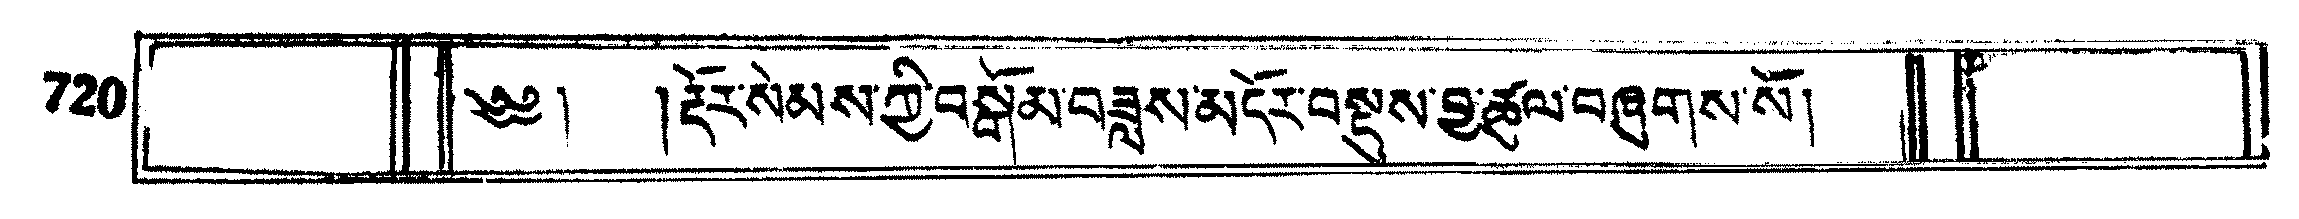༄༅། །རྡོར་སེམས་ཀྱི་བསྒོམ་བཟླས་མདོར་བསྡུས་བྱ་ཚུལ་བཞུགས་སོ།